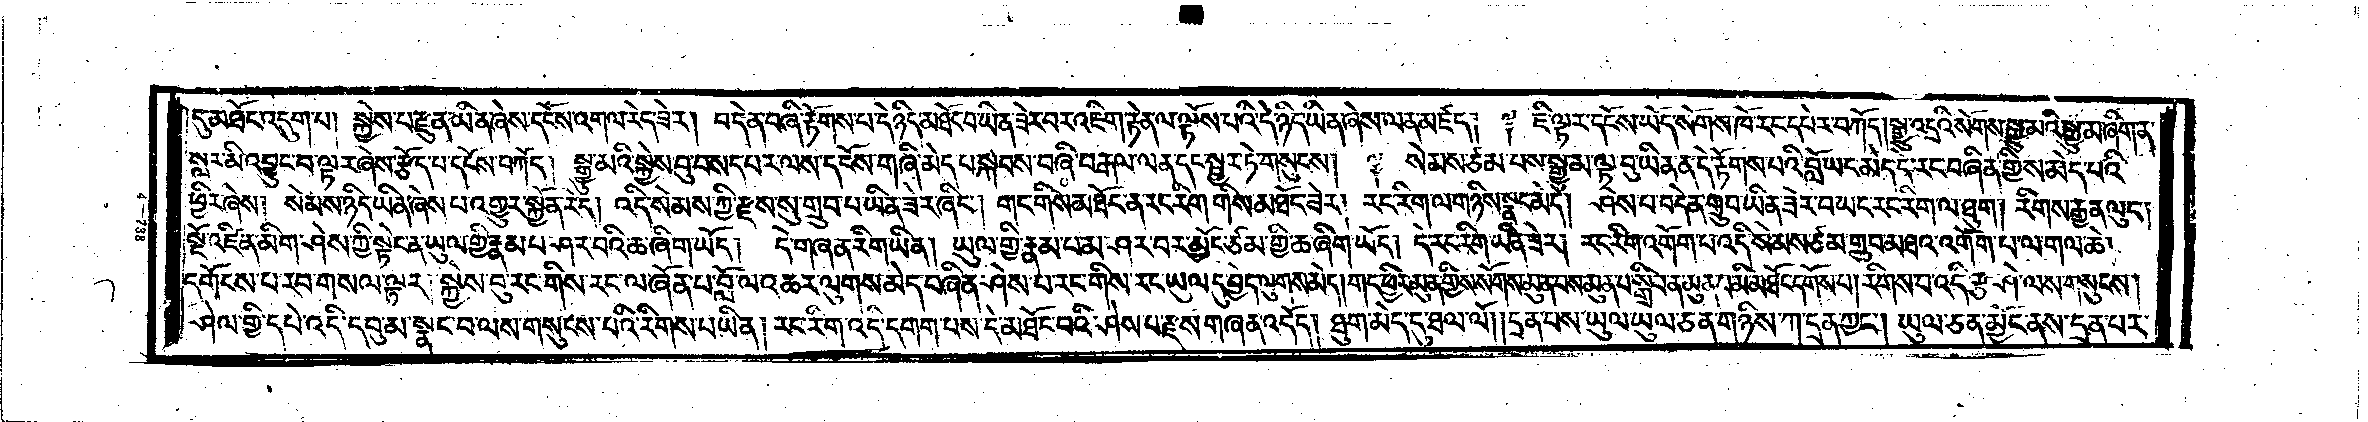དུ་མཐོང་འདུག་པ། སྐྱེས་པ་རྫུན་ཡིན་ཞེས་དངོས་འགལ་རེད་ཟེར། བདེན་བཞི་རྟོགས་པ་དེ་ཉིད་མཐོང་བ་ཡིན་ཟེར་བར་འཇིག་རྟེན་ལ་ལྟོས་པའི་དེ་ཉིད་ཡིན་ཞེས་ལན་མཛད། ༈ ཇི་ལྟར་དངོས་ཡོད་སོགས་ཁོ་རང་དཔེར་བཀོད། སྒྱུ་འདྲའི་སོགས་སྒྱུ་མའི་སྒྱུ་མ་ཞིག་ན་
སླར་མི་འབྱུང་བ་ལྟར་ཞེས་རྩོད་པ་དངོས་བཀོད། སྒྱུ་མའི་སྐྱེས་བུ་བསད་པར་ལས་དངོས་གཞི་མེད་པ་སྐབས་བྷི་བརྒལ་ལན་དང་སྦྱར་ཏེ་གསུངས། ༈ སེམས་ཙམ་པས་སྒྱུ་མ་ལྟ་བུ་ཡིན་ན་དེ་རྟོགས་པའི་བློ་ཡང་མེད་དེ་རང་བཞིན་གྱིས་མེད་པའི་
ཕྱིར་ཞེས། སེམས་ཉིད་ཡིན་ཞེས་པ་འགྱུར་སྐྱོན་རེད། འདི་སེམས་ཀྱི་རྫས་སུ་གྲུབ་པ་ཡིན་ཟེར་ཞིང་། གང་གིས་མཐོང་ན་རང་རིག་གིས་མཐོང་ཟེར། རང་རིག་ལ་གཉིས་སྣང་མེད། ཤེས་པ་བདེན་གྲུབ་ཡིན་ཟེར་བ་ཡང་རང་རིག་ལ་ཐུག། རིགས་རྒྱན་ལུང་།
སྔོ་འཛིན་མིག་ཤེས་ཀྱི་སྟེང་ན་ཡུལ་གྱི་རྣམ་པ་ཤར་བའི་ཆ་ཞིག་ཡོད། དེ་གཞན་རིག་ཡིན། ཡུལ་གྱི་རྣམ་པ་མ་ཤར་བར་མྱོང་ཙམ་གྱི་ཆ་ཞིག་ཡོད། དེ་རང་རིག་ཡིན་ཟེར། རང་རིག་འགོག་པ་འདི་སེམས་ཙམ་གྲུབ་མཐའ་འགོག་པ་ལ་གལ་ཆེ།
དགོངས་པ་རབ་གསལ་ལྟར། སྐྱེས་བུ་རང་གིས་རང་ལ་ཞོན་པ་བློ་ལ་འཆར་ལུགས་མེད་བཞིན་ཤེས་པ་རང་གིས་རང་ཡུལ་དུ་བྱེད་ལུགས་མེད། གང་ཕྱིར་མུན་གྱིས་སོགས་མུན་པས་མུན་པ་སྒྲིབ་ན་མུན་པ་མི་མཐོང་དགོས་པ། རིགས་བ་འདི་རྩ་ཤེ་ལས་གསུངས།
ཤེལ་གྱི་དཔེ་འདི་དབུ་མ་སྣང་བ་ལས་གསུངས་པའི་རིགས་པ་ཡིན། རང་རིག་འདི་དགག་པས་དེ་མཐོང་བའི་ཤེས་པ་རྫས་གཞན་འདོད། ཐུག་མེད་དུ་ཐལ་ལོ། །དྲན་པས་ཡུལ་ཡུལ་ཅན་གཉིས་ཀ་དྲན་ཀྱང་། ཡུལ་ཅན་མྱོང་ནས་དྲན་པར་